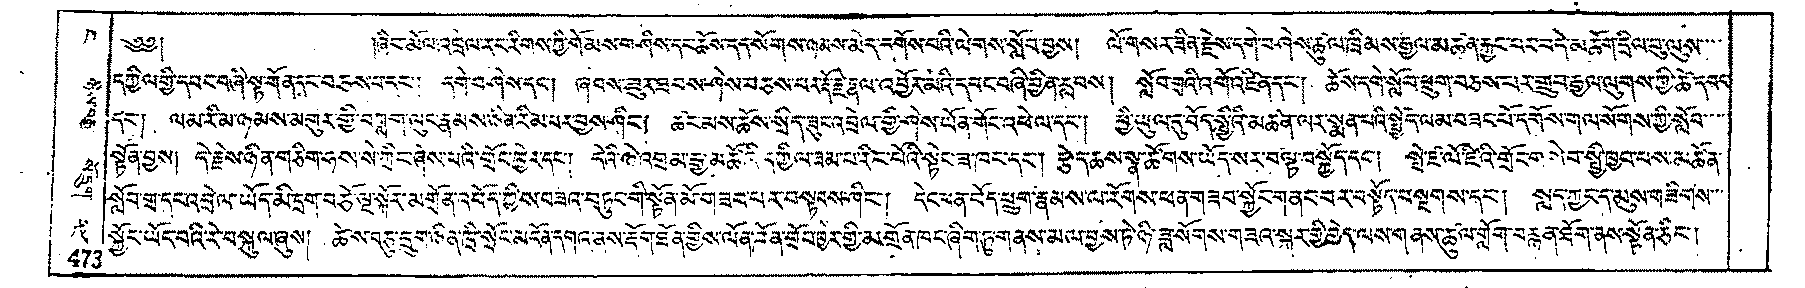༄༅། །ཞིབ་མོལ་འབྲེལ་རང་རིགས་ཀྱི་གོམས་གཤིས་དང་ཆོས་དད་སོགས་ཉམས་མེད་དགོས་པའི་ལེགས་སློབ་བྱས། ལོ་གསར་ཟིན་རྗེས་དགེ་བཤེས་ཚུལ་ཁྲིམས་རྒྱལ་མཚན་རྐྱང་པར་བདེ་མཆོག་དྲིལ་བུ་ལུས་
དཀྱིལ་གྱི་དབང་བཞི་སྟ་གོན་དང་བཅས་པ་དང་། དགེ་བཤེས་དང་། ཞབས་ཟུར་ཐབས་ཤེས་བཅས་པར་རྡོ་རྗེ་རྣལ་འབྱོར་མའི་དབང་བཞི་བྱིན་རླབས། སློབ་གྲའི་འགོ་འཛིན་དང་། ཆོས་དགེ་སློབ་ཕྲུག་བཅས་པར་གྲུབ་རྒྱལ་ལུགས་ཀྱི་ཚེ་དབང་
དང་། ལམ་རིམ་ཉམས་མགུར་གྱི་བཀླག་ལུང་རྣམས་ཉིན་རིམ་པར་བྱས་ཤིང་། ཚང་མས་ཆོས་སྲིད་ཟུང་འབྲེལ་གྱི་ཤེས་ཡོན་གོང་འཕེལ་དང་། ཕྱི་ཡུལ་དུ་བོད་སྤྱིའི་མཚན་ལར་སྨན་པའི་སྤྱོད་ལམ་བཟང་པོ་དགོས་གལ་སོགས་ཀྱི་སློབ་
སྟོན་བྱས། དེ་རྗེས་ཉིན་གཅིག་ཧས་སེ་ཀྲིང་ཞེས་པའི་གྲོང་ཁྱེར་དང་། དེའི་ཉེ་འགྲམ་རྒྱ་མཚོའི་དཀྱིལ་ཟམ་པ་རིང་པོའི་སྟེང་ཟ་ཁང་དང་། རྩེད་ཆས་སྣ་ཚོགས་ཡོད་སར་བལྟ་བསྐྱོད་དང་། སྤེ་ཛ་ལོ་ཛིའི་གྲོང་གསེབ་སྤྱི་ཁྱབ་པས་མཚོན་
སློབ་གྲ་དང་འབྲེལ་ཡོད་མི་དྲག་བཅོ་ལྔ་སྐོར་མགྲོན་འབོད་ཀྱིས་བཟའ་བཏུང་གི་སྟོན་མོ་གཟབ་པར་བསྟབས་ཤིང་། དེང་ཕན་བོད་ཕྲུག་རྣམས་ལ་རོགས་ཕན་གཟབ་སྐྱོང་གནང་བར་བསྟོད་བསྔགས་དང་། སླད་ཀྱང་ད་མུས་གཟིགས་
སྐྱོང་ཡོང་བའི་རེ་བསྐུལ་ཞུས། ཚེས་བཅུ་དྲུག་ཉིན་ཁྲི་སྲོང་མངོན་དགའ་ནས་རྡོག་ཐོན་གྱིས་ལོན་ཌོན་གྲོབ་ཁྱེར་གྱི་མགྲོན་ཁང་ཞིག་ཏུ་གནས་མལ་བྱས་ཏེ་ཉི་ཟླ་སོགས་གཟའ་སྐར་གྱི་བྱེད་ལས་གནས་ཚུལ་གློག་བརྙན་ཐོག་ནས་སྟོན་ཅིང་།